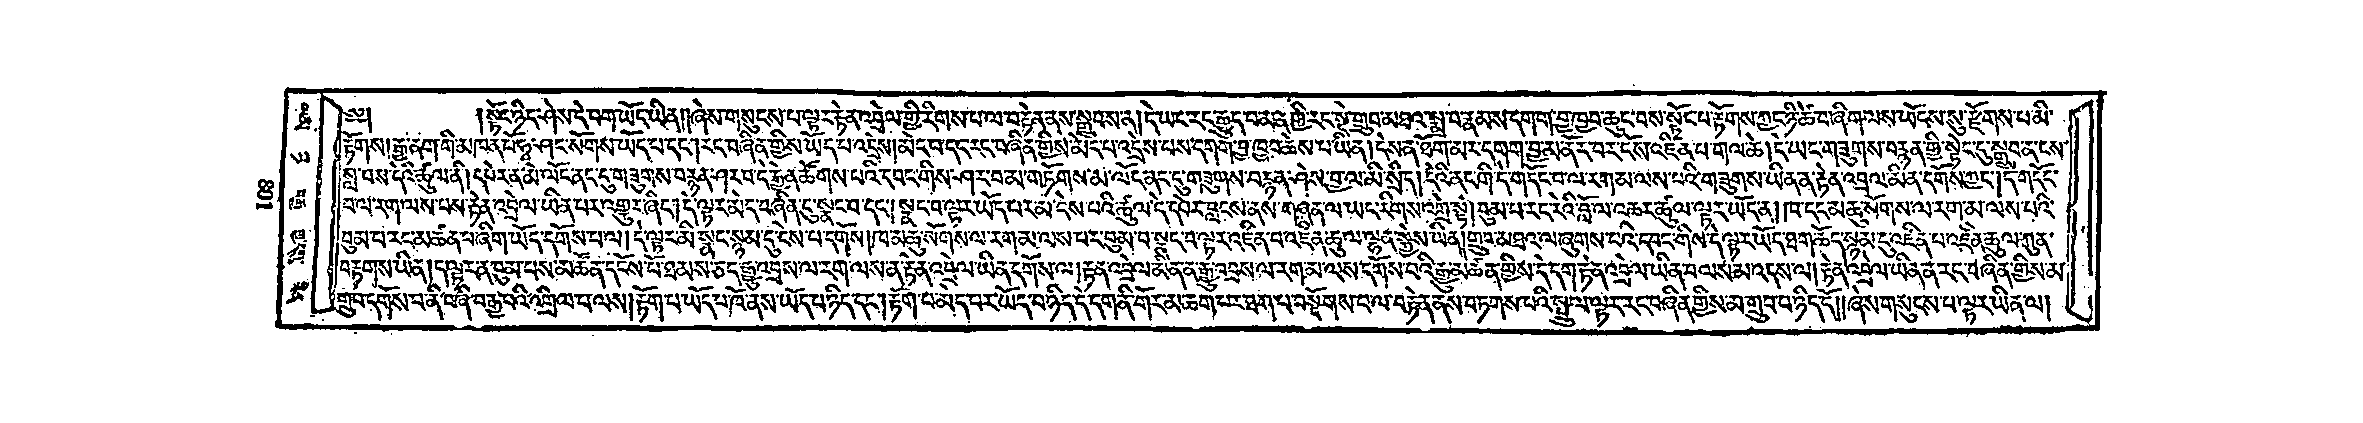༄༅། །སྟོང་ཉིད་ཤེས་དེ་བག་ཡོད་ཡིན། །ཞེས་གསུངས་པ་ལྟར་རྟེན་འབྲེལ་གྱི་རིགས་པ་ལ་བརྟེན་ནས་སྒྲུབས་ན། དེ་ཡང་རང་རྒྱུད་པ་མན་གྱི་རང་སྡེ་གྲུབ་མཐའ་སྨྲ་བ་རྣམས་དགག་བྱ་ཁྱབ་ཆུང་བས་སྟོང་པ་རྟོགས་ཀྱང་ཉི་ཚེ་བ་ཞིག་ལས་ཡོངས་སུ་རྫོགས་པ་མི་
རྟོགས། རྒྱ་ནག་གི་མཁན་པོ་ཧྭ་ཤང་སོགས་ཡོད་པ་དང་། རང་བཞིན་གྱིས་ཡོད་པ་འདྲེས། མེད་པ་དང་རང་བཞིན་གྱིས་མེད་པ་འདྲེས་པས་དགག་བྱ་ཁྱབ་ཆེས་པ་ཡིན། དེས་ན་ཐོག་མར་དགག་བྱ་མ་ནོར་བར་ངོས་འཛིན་པ་གལ་ཆེ། དེ་ཡང་གཟུགས་བརྙན་གྱི་སྟེང་དུ་སྒྲུབ་ན་ངས་
སླ་བས་དེའི་ཚུལ་ནི། དཔེར་ན་མེ་ལོང་ནང་དུ་གཟུགས་བརྙན་ཤར་བ་དེ་རྐྱེན་ཚོགས་པའི་དབང་གིས་ཤར་བ་མ་གཏོགས་མ་ལོང་ནང་དུ་གཟུགས་བརྙན་ཤེས་བྱ་ལ་མི་སྲིད། དེའི་ནང་གི་དེ་གདོང་པ་ལ་རག་མ་ལས་པའི་གཟུགས་ཡིན་ན་རྟེན་འབྲལ་མིན་དགོས་ཀྱང་། དེ་གདོང་
བ་ལ་རག་ལས་པས་རྟེན་འབྲེལ་ཡིན་པར་འགྱུར་ཞིང་། དེ་ལྟར་མེད་བཞིན་དུ་སྣང་བ་དང་། སྣང་བ་ལྟར་ཡོད་པར་མ་དེས་པའི་ཚུལ་དེ་དཔེར་བླངས་ནས་གཞན་ལ་ཡང་རིགས་འགྲེ་སྟེ། བུམ་པ་རང་རེའི་བློ་ལ་འཆར་ཚུལ་ལྟར་ཡོད་ན། ཁ་དང་མཆུ་སོགས་ལ་རག་མ་ལས་པའི་
བུམ་པ་རང་མཚན་པ་ཞིག་ཡོད་དགོས་པ་ལ། དེ་ལྟར་མི་སྣང་སྙམ་དུ་ངེས་པ་དགོས། ཁ་མཆུ་སོགས་ལ་རག་མ་ལས་པར་བུམ་པ་སྣང་བ་ལྟར་འཛིན་པ་འཛིན་ཆུ་ལ་ལྷན་སྐྱེས་ཡིན། གྲུབ་མཐའ་ལ་ཞུགས་པའི་དབང་གིས་དེ་ལྟར་ཡོད་ཐག་ཆོད་སྙམ་དུ་འཛིན་པ་འཛིན་ཆུལ་ཀུན་
བརྟགས་ཡིན། ད་ལྟར་ན་བུམ་པས་མཚོན་དངོས་པོ་ཐམས་ཅད་རྒྱུ་འབྲས་ལ་རག་ལས་ན་རྟེན་འབྲེལ་ཡིན་དགོས་ལ། རྟན་འབྲེལ་མིན་ན་རྒྱུ་འབྲས་ལ་རག་མ་ལས་དགོས་པའི་རྒྱུ་མཚན་གྱིས་དེ་དག་རྟེན་འབྲེལ་ཡིན་པ་ལས་མ་འདས་ལ། རྟེན་འབྲེལ་ཡིན་ན་རང་བཞིན་གྱིས་མ་
གྲུབ་དགོས་པ་ནི་བཞི་བརྒྱ་པའི་འགྲིལ་པ་ལས། རྟོག་པ་ཡོད་པ་ཁོ་ནས་ཡོད་པ་ཉིད་དང་། རྟོག་པ་མེད་པར་ཡོད་པ་ཉིད་དེ་དག་ནི་གོར་མ་ཆག་པར་ཐག་པ་བསྡོགས་པ་ལ་བརྟེན་ནས་བཏགས་པའི་སྤྲུལ་ལྟར་རང་བཞིན་གྱིས་མ་གྲུབ་པ་ཉིད་དོ། །ཞེས་གསུངས་པ་ལྟར་ཡིན་ལ།